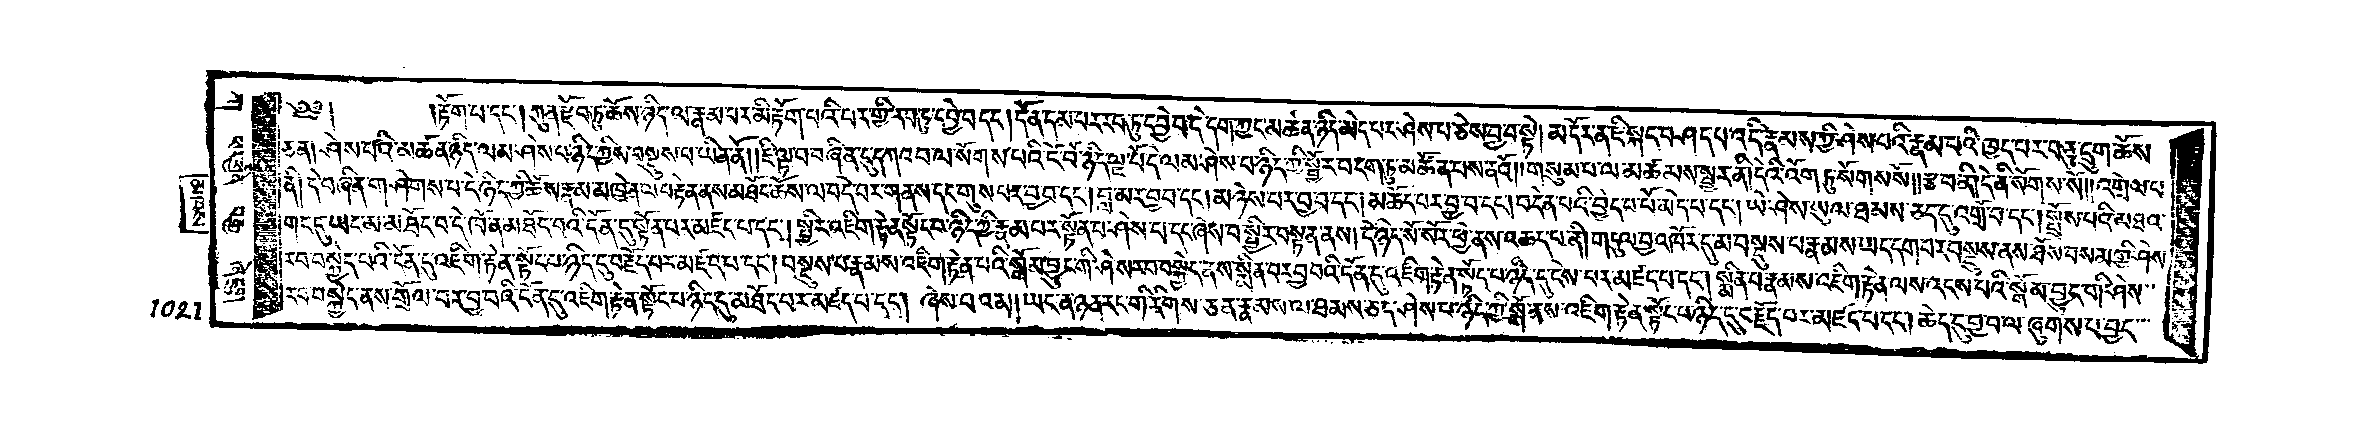༄༅། །རྟོག་པ་དང་། ཀུན་རྫོབ་ཏུ་ཆོས་ཉིད་ལ་རྣམ་པར་མི་རྟོག་པའི་བར་གྱི་རབ་ཏུ་དབྱེ་བ་དང་། དོན་དམ་པར་རབ་ཏུ་དབྱེ་བ་དེ་དག་ཀྱང་མཚན་ཉིད་མེད་པར་ཤེས་པ་ཅེས་བྱ་བ་སྟེ། མདོར་ན་ཇི་སྐད་བཤད་པ་འདི་རྣམས་ཀྱི་ཤེས་པའི་རྣམ་པའི་ཁྱད་པར་བཅུ་དྲུག་ཆོས་
ཅན། ཤེས་པའི་མཚན་ཉིད་ལམ་ཤེས་པ་ཉིད་ཀྱིས་བསྡུས་པ་ཡིན་ནོ། །ཇི་ལྟ་བ་བཞིན་དུ་དཀའ་བ་ལ་སོགས་པའི་ངོ་བོ་ཉིད་ལྔ་པོ་དེ་ལམ་ཤེས་པ་ཉིད་ཀྱི་སྦྱོར་བདག་ཏུ་མཚོན་པས་ནའོ། །གསུམ་པ་ལ་མཚམས་སྦྱར་ནི། དེའི་འོག་ཏུ་སོགས་སོ། །རྩ་བ་ནི། དེ་ནི་སོགས་སོ། །འགྲེལ་པ་
ནི༑ དེ་བཞིན་གཤེགས་པ་དེ་ཉིད་ཀྱི་ཆོས་རྣམ་མཁྱེན་ལ་བརྟེན་ནས་མཐོང་ཆོས་ལ་བདེ་བར་གནས་དང་གུས་པར་བྱ་བ་དང་། བླ་མར་བྱ་བ་དང་། མཉེས་པར་བྱ་བ་དང་། མཆོད་པར་བྱ་བ་དང་། བདེན་པའི་བྱེད་པ་པོ་མེད་པ་དང་། ཡེ་ཤེས་ཡུལ་ཐམས་ཅད་དུ་འགྲོ་བ་དང་། སྤྲོས་པའི་མཐའ་
གང་དུ་ཡང་མ་མཐོང་བ་དེ་ཁོ་ན་མཐོང་བའི་དོན་དུ་སྟོན་པར་མཛད་པ་དང་། སྤྱིར་འཇིག་རྟེན་སྟོང་པ་ཉིད་ཀྱི་རྣམ་པར་སྟོན་པ་ཤེས་པ་དང་ཞེས་བ་སྤྱིར་བསྟན་ནས། དེ་ཉིད་སོ་སོར་ཕྱེ་ནས་འཆད་པ་ནི། གདུལ་བྱ་འཁོར་དུ་མ་བསྡུས་པ་རྣམས་ཡང་དག་པར་བསྡུས་ནས་ཐོས་བསམ་གྱི་ཤེས་
རབ་བསྐྱེད་པའི་དོན་དུ་འཇིག་རྟེན་སྟོང་པ་ཉིད་དུ་བརྗོད་པར་མཛད་པ་དང་། བསྡུས་པ་རྣམས་འཇིག་རྟེན་པའི་སྒོམ་བྱུང་གི་ཤེས་རབ་བསྐྱེད་ནས་སྨིན་པར་བྱ་བའི་དོན་དུ་འཇིག་རྟེན་སྟོང་པ་ཉིད་དུ་ངེས་པར་མཛད་པ་དང་། སྨིན་པ་རྣམས་འཇིག་རྟེན་ལས་འདས་པའི་སྒོམ་བྱུང་གི་ཤེས་
རབ་བསྐྱེད་ནས་གྲོལ་བར་བྱ་བའི་དོན་དུ་འཇིག་རྟེན་སྟོང་པ་ཉིད་དུ་མཐོང་བར་མཛད་པ་དང་། ཞེས་པའམ། ཡང་ན་ཉན་རང་གི་རིགས་ཅན་རྣམས་ལ་ཐམས་ཅད་ཤེས་པ་ཉིད་ཀྱི་སྒོ་ནས་འཇིག་རྟེན་སྟོང་པ་ཉིད་དུ་བརྗོད་པར་མཛད་པ་དང་། ཆེད་དུ་བྱ་བ་ལ་ཞུགས་པ་བྱང་